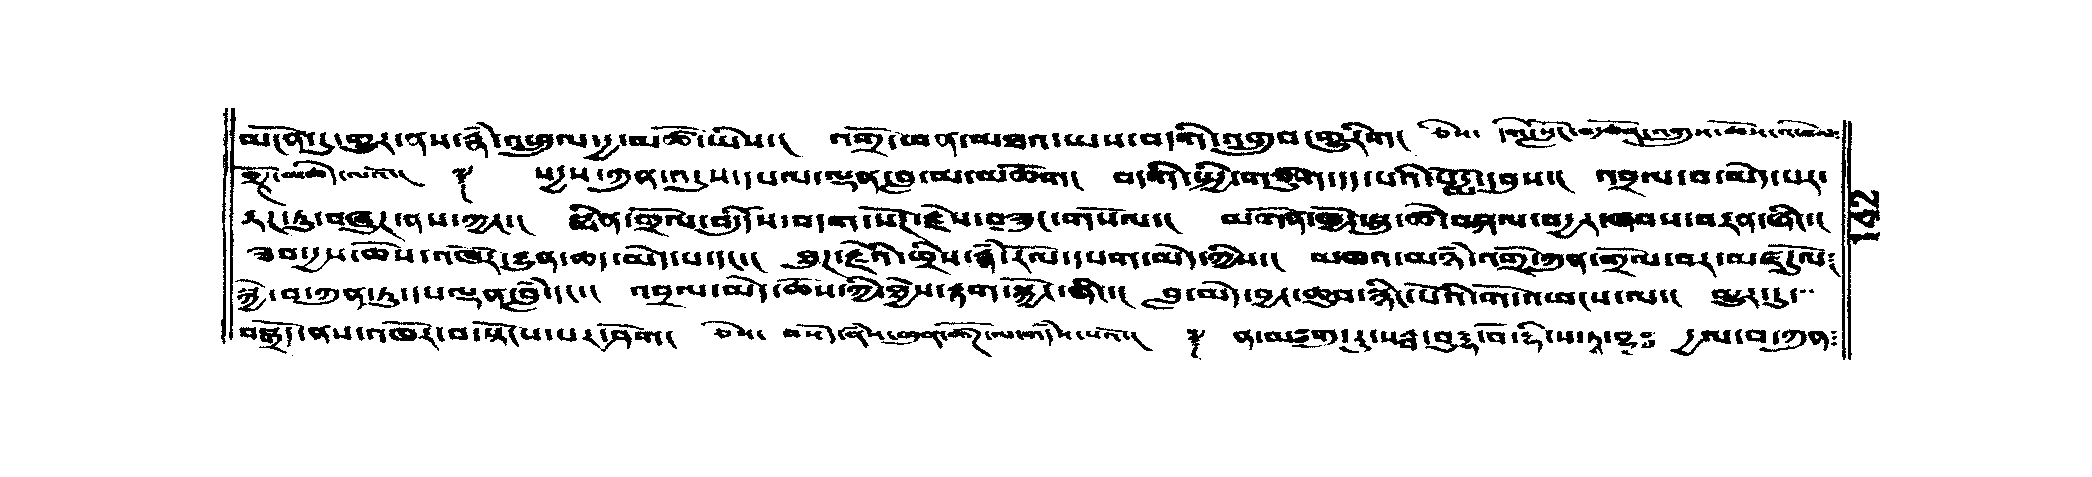།མངོན་དུ་གྱུར་ནས་རྣམ་འཕྲུལ་རྒྱ་མཚོ་ཡིས། །འགྲོ་ཕན་མཐའ་ཡས་བདག་གི་འགྲུབ་གྱུར་ཅིག ཅེས་དགེ་སློང་བརྩོན་འགྲུས་ཆོས་འཕེལ་
གྲོགས་མཆེད་ལའོ།། ༈ སངས་རྒྱས་ཀུན་འདུས་དཔལ་ལྡན་བླ་མ་མཆོག །བདག་གི་སྤྱི་གཙུག་དད་པའི་པད་མོའི་དབུས། །འབྲལ་བ་མེད་པར་
རྟག་ཏུ་བཞུགས་ནས་ཀྱང་། །སྨིན་གྲོལ་བདུད་རྩིས་བདག་སོགས་རྗེས་བཟུང་གསོལ། །མགོན་ཁྱོད་སྐུ་ཚེ་བསྐལ་བརྒྱར་ཞབས་བརྟན་ཞིང་། །
ཟབ་རྒྱས་ཆོས་འཁོར་རྒྱུན་ཆད་མེད་པ་དང་། །ཐུགས་རྗེའི་ཕྲིན་ལས་རྣམ་རོལ་དཔག་མེད་ཀྱིས། །མཁའ་མཉམ་འགྲོ་ཀུན་གྲོལ་བར་མཛད་དུ་གསོལ། །
སྐྱེ་བ་ཀུན་ཏུ་དཔལ་ལྡན་བླ་མ་དང་། །འབྲལ་མེད་ཆོས་ཀྱི་ཐུགས་རྗེས་རྟག་སྐྱོང་ཞིང་། །བླ་མེད་བྱང་ཆུབ་སྙིང་པོའི་གོ་འཕང་ལ། །མྱུར་དུ་
བགྲོད་ནས་འཁོར་བ་སྟོངས་པར་ཤོགཅེས་བསོད་ནམས་ཕུན་ཚོགས་ལ་གདམས་པའོ།། ༈ ན་མཿགུ་རུ་སརྦ་བུདྡྷ་བོ་དྷི་ས་ཏྭ་བྷཱཿ རྒྱལ་བ་ཀུན་